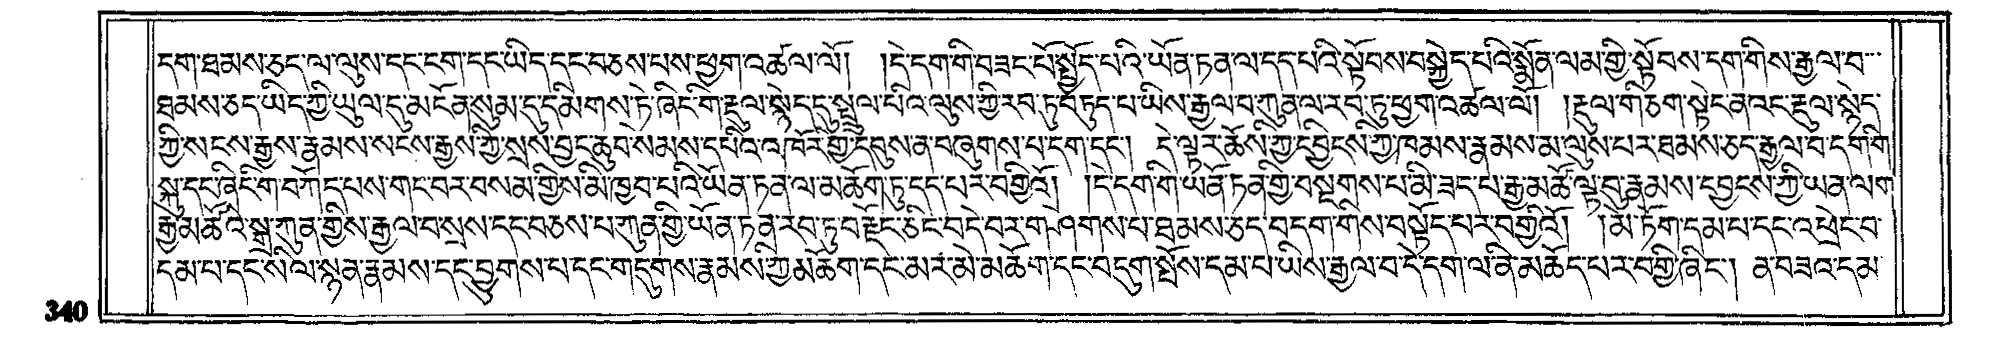དག་ཐམས་ཅད་ལ་ལུས་དང་ངག་དང་ཡིད་དང་བཅས་པས་ཕྱག་འཚལ་ལོ། །དེ་དག་གི་བཟང་པོ་སྤྱོད་པའི་ཡོན་ཏན་ལ་དད་པའི་སྟོབས་བསྐྱེད་པའི་སྨོན་ལམ་གྱི་སྟོབས་དག་གིས་རྒྱལ་བ་
ཐམས་ཅད་ཡིད་ཀྱི་ཡུལ་དུ་མངོན་སུམ་དུ་དམིགས་ཏེ་ཞིང་གི་རྡུལ་སྙེད་དུ་སྤྲུལ་པའི་ལུས་ཀྱི་རབ་ཏུ་བཏུད་པ་ཡིས་རྒྱལ་བ་ཀུན་ལ་རབ་ཏུ་ཕྱག་འཚལ་ལོ། །རྡུལ་གཅིག་སྟེང་ནའང་རྡུལ་སྙེད་
ཀྱི་སངས་རྒྱས་རྣམས་སངས་རྒྱས་ཀྱི་སྲས་བྱང་ཆུབ་སེམས་དཔའི་འཁོར་གྱི་དབུས་ན་བཞུགས་པ་དག་དང་། དེ་ལྟར་ཆོས་ཀྱི་དབྱིངས་ཀྱི་ཁམས་རྣམས་མ་ལུས་པར་ཐམས་ཅད་རྒྱལ་བ་དག་གི་
སྐུ་དང་ཞིང་གི་བཀོད་པས་གང་བར་བསམ་གྱིས་མི་ཁྱབ་པའི་ཡོན་ཏན་ལ་མཆོག་ཏུ་དད་པར་བགྱིའོ། །དེ་དག་གི་ཡོན་ཏན་གྱི་བསྔགས་པ་མི་ཟད་པ་རྒྱ་མཚོ་ལྟ་བུ་རྣམས་དབྱངས་ཀྱི་ཡན་ལག་
རྒྱ་མཚོའི་སྒྲ་ཀུན་གྱིས་རྒྱལ་བ་སྲས་དང་བཅས་པ་ཀུན་གྱི་ཡོན་ཏན་རབ་ཏུ་བརྗོད་ཅིང་བདེ་བར་གཤེགས་པ་ཐམས་ཅད་བདག་གིས་བསྟོད་པར་བགྱིའོ། །མེ་ཏོག་དམ་པ་དང་འཕྲེང་བ་
དམ་པ་དང་སིལ་སྙན་རྣམས་དང་བྱུགས་པ་དང་གདུགས་རྣམས་ཀྱི་མཆོག་དང་མར་མེ་མཆོག་དང་བདུག་སྤོས་དམ་པ་ཡིས་རྒྱལ་བ་དེ་དག་ལ་ནི་མཆོད་པར་བགྱི་ཞིང་། ན་བཟའ་དམ་